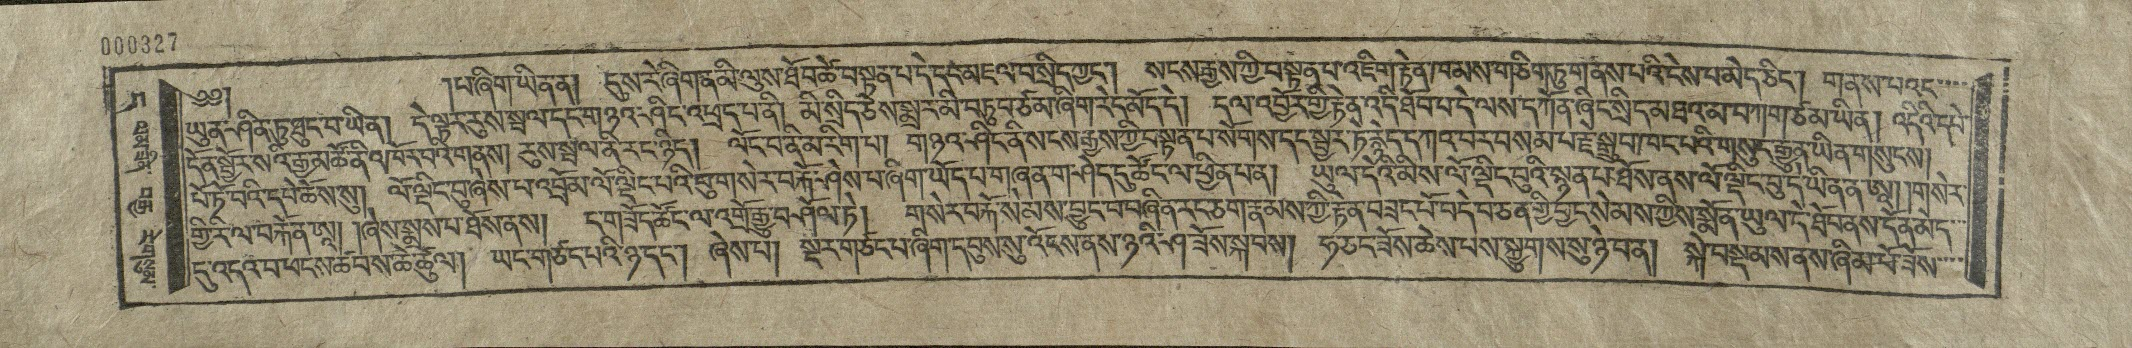༄༅། །པ་ཞིག་ཡིན་ན། དུས་རེ་ཞིག་ན་མི་ལུས་ཐོབ་ཚེ་བསྟན་པ་དེ་དང་མཇལ་བ་སྲིད་ཀྱང་། སངས་རྒྱས་ཀྱི་བསྟན་པ་འཇིག་རྟེན་ཁམས་གཅིག་ཏུ་གནས་པའི་ངེས་པ་མེད་ཅིང་། གནས་པའང་
ཡུན་ཤིན་ཏུ་ཐུང་བ་ཡིན། དེ་ལྟར་རུས་སྦལ་དང་གཉའ་ཤིང་འཕྲད་པ་ནི། མི་སྲིད་ཅེས་སྨྲར་མི་བཏུབ་ཙམ་ཞིག་རེད་མོད་དེ། དལ་འབྱོར་གྱི་རྟེན་འདི་ཐོབ་པ་དེ་ལས་དཀོན་ཞིང་སྲིད་མཐའ་མ་བཀག་ཙམ་ཡིན། འདིའི་དཔེ་
དོན་སྦྱོར་སའི་རྒྱ་མཚོ་ནི་འཁོར་བའི་གནས། རུས་སྦལ་ནི་རང་ཉིད། ལོང་བ་ནི་མ་རིག་པ། གཉའ་ཤིང་ནི་སངས་རྒྱས་ཀྱི་བསྟན་པ་སོགས་དང་སྦྱར་ཏེ་རྙེད་དཀའ་བར་བསམ་པ་རྗེ་སྒྲུབ་ཁང་པའི་གསུང་རྒྱུན་ཡིན་གསུངས།
པོ་ཏོ་བའི་དཔེ་ཆོས་སུ། ལོ་ལྡིང་བུ་ཞེས་པ་འབྲོམ་ལོ་ལྡིང་པའི་བུ་གསེར་བརྐོ་ཤེས་པ་ཞིག་ཡོད་པ་གཞན་གཤེད་དུ་ཚོང་ལ་ཕྱིན་པ་ན། ཡུལ་དེའི་མིས་ལོ་ལྡིང་བུའི་སྙན་པ་ཐོས་ནས་ལོ་ལྡིང་བུ་དེ་ཡིན་ན་ཨཱ། །གསེར་
གྱི་རི་ལ་བརྐོ་ན་ཨཱ། །ཞེས་སྨྲས་པ་ཐོས་ནས། ད་གཟོད་ཚོང་ལ་འགྲོ་རྒྱུ་བཤོལ་ཏེ། གསེར་བརྐོ་སེམས་བྱུང་བ་བཞིན་རང་ཅག་རྣམས་ཀྱི་རྟེན་བཟང་པོ་བདེ་བ་ཅན་གྱི་བྱང་སེམས་ཀྱིས་སྨོན་ཡུལ་དེ་ཐོབ་ནས་དོན་མེད་
དུ་འདའ་བ་ཕངས་ཚབས་ཆེ་ཚུལ། ཡང་གཙང་པའི་ཉ་དང་། ཞེས་པ། སྔར་གཙང་པ་ཞིག་དབུས་སུ་འོངས་ནས་ཉའི་ཤ་ཟོས་སྐབས། ཧ་ཅང་ཟོས་ཆེས་པས་སྐྱུགས་སུ་ཉེ་བ་ན། སྐེ་བསྡམས་ནས་ཞིམ་པོ་ཟོས་